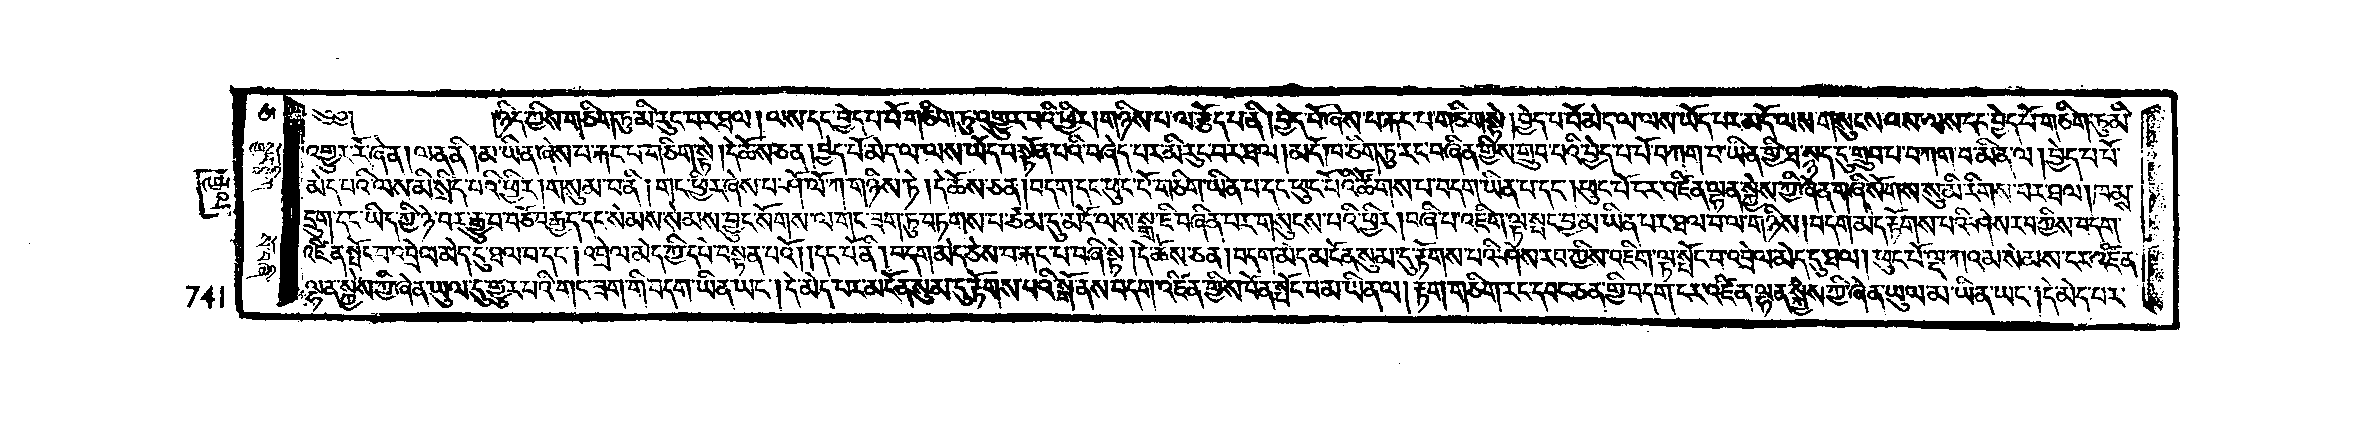༄༅། །ཉིད་ཀྱིས་གཅིག་ཏུ་མི་རུང་བར་ཐལ། ལས་དང་བྱེད་པ་པོ་གཅིག་ཏུ་འགྱུར་བའི་ཕྱིར། གཉིས་པ་ལ་རྩོད་པ་ནི། བྱེད་པོ་ཞེས་པ་རྐང་པ་གཅིག་སྟེ། བྱེད་པ་པོ་མེད་ལ་ལས་ཡོད་པར་མདོ་ལས་གསུངས་པས་ལས་དང་བྱེད་པོ་གཅིག་ཏུ་མི་
འགྱུར་རོ་ཞེ་ན། ལན་ནི། མ་ཡིན་ཞེས་པ་རྐང་པ་གཅིག་སྟེ། དེ་ཆོས་ཅན། བྱེད་པོ་མེད་ལ་ལས་ཡོད་པ་སྟོན་པའི་བཞེད་པར་མི་རུང་བར་ཐལ། མདོ་ཁ་ཅིག་ཏུ་རང་བཞིན་གྱིས་གྲུབ་པའི་བྱེད་པ་པོ་བཀག་པ་ཡིན་གྱི་ཐ་སྙད་དུ་གྲུབ་པ་བཀག་པ་མིན་ལ། བྱེད་པ་པོ་
མེད་པའི་ལས་མི་སྲིད་པའི་ཕྱིར། གསུམ་པ་ནི། གང་ཕྱིར་ཞེས་པ་ཤོ་ལོ་ཀ་གཉིས་ཏེ། དེ་ཆོས་ཅན། བདག་དང་ཕུང་པོ་གཅིག་ཡིན་པ་དང་ཕུང་པོའི་ཚོགས་པ་བདག་ཡིན་པ་དང་། ཕུང་པོ་ངར་འཛིན་ལྷན་སྐྱེས་ཀྱི་ཞེན་གཞི་སོགས་སུ་མི་རིགས་པར་ཐལ། ཁམས་
དྲུག་དང་ཡིད་ཀྱི་ཉེ་བར་རྒྱུ་བ་བཅོ་བརྒྱད་དང་སེམས་སེམས་བྱུང་སོགས་ལ་གང་ཟག་ཏུ་བཏགས་པ་ཙམ་དུ་མདོ་ལས་སྒྲ་ཇི་བཞིན་པར་གསུངས་པའི་ཕྱིར། བཞི་པ་འཇིག་ལྟ་སྤང་བྱ་མ་ཡིན་པར་ཐལ་བ་ལ་གཉིས། བདག་མེད་རྟོགས་པའི་ཤེས་རབ་ཀྱིས་བདག་
འཛིན་སྤོང་བ་འབྲེལ་མེད་དུ་ཐལ་བ་དང་། འབྲེལ་མེད་ཀྱི་དཔེ་བསྟན་པའོ། །དང་པོ་ནི། བདག་མེད་ཅེས་པ་རྐང་པ་བཞི་སྟེ། དེ་ཆོས་ཅན། བདག་མེད་མངོན་སུམ་དུ་རྟོགས་པའི་ཤེས་རབ་ཀྱིས་འཇིག་ལྟ་སྤོང་བ་འབྲེལ་མེད་དུ་ཐལ། ཕུང་པོ་ལྔ་ཀའམ་སེམས་ངར་འཛིན་
ལྷན་སྐྱེས་ཀྱི་ཞེན་ཡུལ་དུ་གྱུར་པའི་གང་ཟག་གི་བདག་ཡིན་ཡང་། དེ་མེད་པར་མངོན་སུམ་དུ་རྟོགས་པའི་སྒོ་ནས་བདག་འཛིན་གྱི་ས་བོན་སྤོང་བ་མ་ཡིན་ལ། རྟག་གཅིག་རང་དབང་ཅན་གྱི་བདག་ངར་འཛིན་ལྷན་སྐྱེས་ཀྱི་ཞེན་ཡུལ་མ་ཡིན་ཡང་། དེ་མེད་པར་